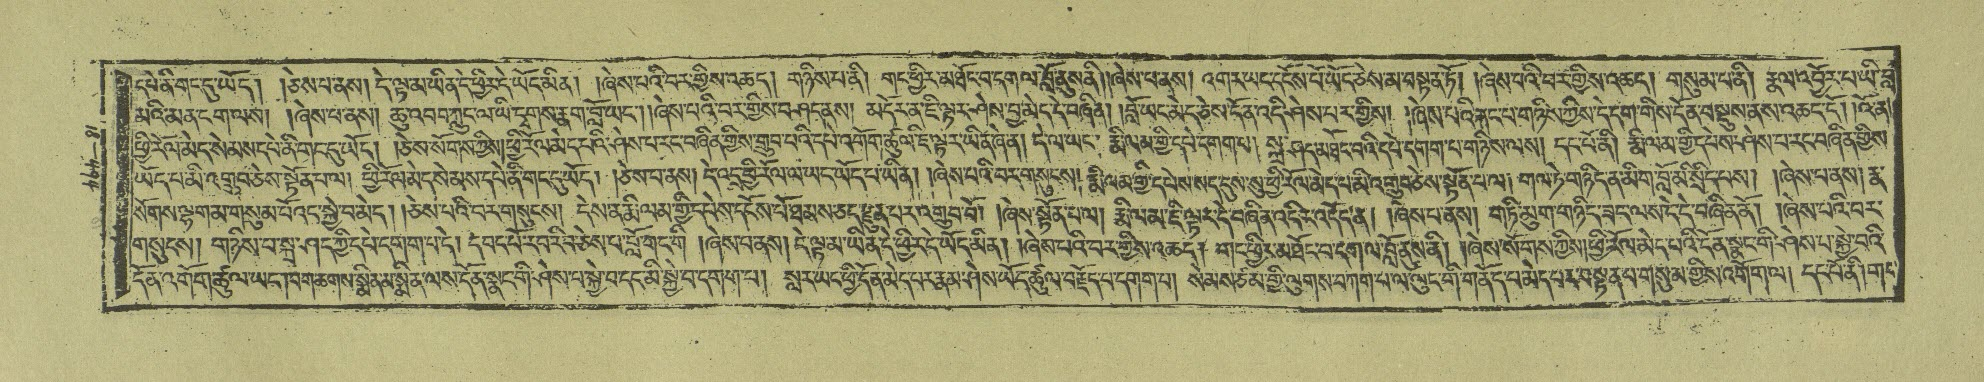དཔེ་ནི་གང་དུ་ཡོད། །ཅེས་པ་ནས། དེ་ལྟ་མ་ཡིན་དེ་ཕྱིར་དེ་ཡོད་མིན། །ཞེས་པའི་བར་གྱིས་འཆད། གཉིས་པ་ནི། གང་ཕྱིར་མཐོང་བ་དག་ལ་བློ་ནུས་ནི། །ཞེས་པ་ནས། འགར་ཡང་དངོས་པོ་ཡོད་ཅེས་མ་བསྟན་ཏོ། །ཞེས་པའི་བར་གྱིས་འཆད། གསུམ་པ་ནི། རྣལ་འབྱོར་པ་ཡི་བླ་
མའི་མན་ངག་ལས། །ཞེས་པ་ནས། ཆུ་འབབ་ཀླུང་ལ་ཡི་དྭགས་རྣག་བློ་ཡང་། །ཞེས་པའི་བར་གྱིས་བཤད་ནས། མདོར་ན་ཇི་ལྟར་ཤེས་བྱ་མེད་དེ་བཞིན། །བློ་ཡང་མེད་ཅེས་དོན་འདི་ཤེས་པར་གྱིས། །ཞེས་པའི་རྐང་པ་གཉིས་ཀྱིས་དེ་དག་གིས་དོན་བསྡུས་ནས་འཆད་དོ། །འོ་ན།
ཕྱིར་རོལ་མེད་སེམས་དཔེ་ནི་གང་དུ་ཡོད། །ཅེས་སོགས་ཀྱིས། ཕྱི་རོལ་མེད་པའི་ཤེས་པ་རང་བཞིན་གྱིས་གྲུབ་པའི་དཔེ་འགོག་ཚུལ་ཇི་ལྟར་ཡིན་ཞེ་ན། དེ་ལ་ཡང་རྨི་ལམ་གྱི་དཔེ་དགག་པ། སྐྲ་ཤད་མཐོང་བའི་དཔེ་དགག་པ་གཉིས་ལས། དང་པོ་ནི། རྨི་ལམ་གྱི་དཔེས་ཤེས་པ་རང་བཞིན་གྱིས་
ཡོད་པ་མི་འགྲུབ་ཅེས་སྟོན་པ་ལ། ཕྱི་རོལ་མེད་སེམས་དཔེ་ནི་གང་དུ་ཡོད། །ཅེས་པ་ནས། དེ་འདྲ་ཕྱི་རོལ་ལ་ཡང་ཡོད་པ་ཡིན། །ཞེས་པའི་བར་གསུངས། རྨི་ལམ་གྱི་དཔེས་སད་དུས་སུ་ཕྱི་རོལ་མེད་པ་མི་འགྲུབ་ཅེས་སྟོན་པ་ལ། གལ་ཏེ་གཉིད་ན་མིག་བློ་མི་སྲིད་པས། །ཞེས་པ་ནས། རྣ་
སོགས་ལྷག་མ་གསུམ་པོའང་སྐྱེ་བ་མེད། །ཅེས་པའི་བར་གསུངས། དེས་ན་རྨི་ལམ་གྱི་དཔེས་དངོས་པོ་ཐམས་ཅད་རྫུན་པར་འགྲུབ་བོ། །ཞེས་སྟོན་པ་ལ། རྨི་ལམ་ཇི་ལྟར་དེ་བཞིན་འདིར་འདོད་ན། །ཞེས་པ་ནས། གཏི་མུག་གཉིད་ཟད་ལས་དེ་དེ་བཞིན་ནོ། །ཞེས་པའི་བར་
གསུངས། གཉིས་པ་སྐྲ་ཤད་ཀྱི་དཔེ་དགག་པ་དེ། དབང་པོ་རབ་རིབ་ཅེས་པ་བློ་གང་གི །ཞེས་པ་ནས། དེ་ལྟ་མ་ཡིན་དེ་ཕྱིར་དེ་ཡོད་མིན། །ཞེས་པའི་བར་གྱིས་འཆད། གང་ཕྱིར་མཐོང་བ་དག་ལ་བློ་ནུས་ནི། །ཞེས་སོགས་ཀྱིས། ཕྱི་རོལ་མེད་པའི་དོན་སྣང་གི་ཤེས་པ་སྐྱེ་བའི་
དོན་འགོག་ཚུལ་ཡང་། བག་ཆགས་སྨིན་མ་སྨིན་ལས་དོན་སྣང་གི་ཤེས་པ་སྐྱེ་བ་དེད་མི་སྐྱེ་བ་དགག་པ། སླར་ཡང་ཕྱི་དོན་མེད་པར་རྣམ་ཤེས་ཡོད་ཚུལ་བརྗོད་པ་དགག་པ། སེམས་ཙམ་གྱི་ལུགས་བཀག་པ་ལ་ལུང་གི་གནོད་པ་མེད་པར་བསྟན་པ་གསུམ་གྱིས་འགོག་ལ། དང་པོ་ནི། གང་